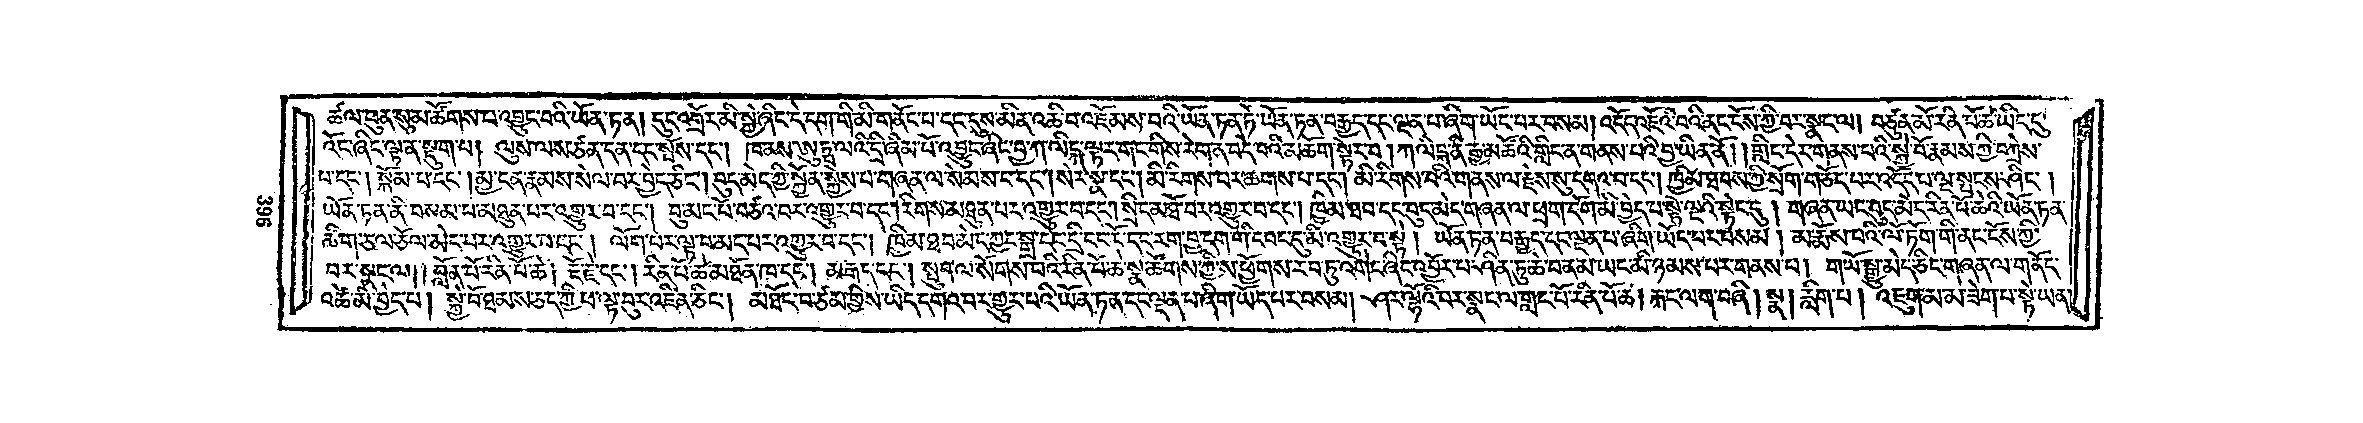ཚལ་ཕུན་སུམ་ཚོགས་པ་འབྱུང་བའི་ཡོན་ཏན། དུད་འགྲོར་མི་སྐྱེ་ཞིང་དེ་དག་གི་མི་གནོད་པ་དང་དུས་མིན་འཆི་བ་འཇོམས་བའི་ཡོན་ཏན་ཏེ་ཡོན་ཏན་བརྒྱད་དང་ལྡན་པ་ཞིག་ཡོང་པར་བསམ། འདོད་འཇོའི་བའི་ནང་ངོས་ཀྱི་བར་སྣང་ལ། བཙུན་མོ་རིན་པོ་ཆེ་ཡིད་དུ་
འོང་ཞིང་ལྟ་ན་སྡུག་པ། ལུས་ལས་ཙན་དན་དང་སྤོས་དང་། ཁམས་ཨུཏྤ་ལའི་དྲི་ཞིམ་པོ་འབྱུང་ཞིང་བྱ་ཀ་ལིངྐ་ལྟར་གང་གིས་རེག་ན་བདེ་བའི་མཆོག་སྟེར་བ། ཀ་ལིངྐ་ནི་རྒྱ་མཚོའི་གླིང་ན་གནས་པའི་བྱ་ཡིན་ནོ། །གླིང་དེར་གནས་པའི་སྐྱེ་བོ་རྣམས་ཀྱི་བཀྲེས་
པ་དང་། སྐོམ་པ་དང་། མྱ་ངན་རྣམས་སེལ་བར་བྱེད་ཅིང་། བུད་མེད་ཀྱི་སྐྱོན་སྐྱེས་པ་གཞན་ལ་སེམས་པ་དང་། སེར་སྣ་དང་། མི་རིགས་པར་ཆགས་པ་དང་། མི་རིགས་པའི་གནས་ལ་རྗེས་སུ་དགའ་བ་དང་། ཁྱིམ་ཐབས་ཀྱི་སྲོག་གཅོད་པར་འདོད་པ་ལྔ་སྤངས་ཤིང་།
ཡོན་ཏན་ནི་བསམ་པ་མཐུན་པར་འགྱུར་བ་དང་། བུ་མང་པོ་བཙའ་བར་འགྱུར་བ་དང་། རིགས་མཐུན་པར་འགྱུར་བ་དང་། སྲིད་མཐོ་བར་འགྱུར་བ་དང་། ཁྱིམ་ཐབ་དང་བུད་མེད་གཞན་ལ་ཕྲག་དོག་མི་བྱེད་པ་སྟེ་ལྔའི་སྟེང་དུ། གཞན་ཡང་བུད་མེད་རིན་པོ་ཆེའི་ཡོན་ཏན་
ཚིག་ཅལ་ཅོལ་མེད་པར་འགྱུར་བ་དང་། ལོག་པར་ལྟ་བ་མེད་པར་འགྱུར་བ་དང་། ཁྱིམ་ཐབ་མེད་ཀྱང་སྒྲ་དང་དྲི་དང་རོ་དང་རེག་བྱ་དག་གི་དབང་དུ་མི་འགྱུར་བ་སྟེ། ཡོན་ཏན་བརྒྱད་དང་ལྡན་པ་ཞིག་ཡོད་པར་བསམ། མ་རྨོས་པའི་ལོ་ཏོག་གི་ནང་ངོས་ཀྱི་
བར་སྣང་ལ། །བློན་པོ་རིན་པོ་ཆེ། རྡོ་རྗེ་དང་། རིན་པོ་ཆེ་མཐོན་ཁ་དང་། མ་རྒད་དང་། སྤུག་ལ་སོགས་པའི་རིན་པོ་ཆེ་སྣ་ཚོགས་ཀྱི་ས་ཕྱོགས་རབ་ཏུ་འགེང་ཞིང་འབྱོར་པ་ཤིན་ཏུ་ཆེ་བ་ནམ་ཡང་མི་ཉམས་པར་གནས་པ། གཡོ་སྒྱུ་མེད་ཅིང་གཞན་ལ་གནོད་
འཚེ་མི་བྱེད་པ། སྐྱེ་བོ་ཐམས་ཅད་ཀྱི་ཕ་ལྟ་བུར་འཛིན་ཅིང་། མཐོང་བ་ཙམ་གྱིས་ཡིད་དགའ་བར་གྱུར་པའི་ཡོན་ཏན་དང་ལྡན་པ་ཞིག་ཡོད་པར་བསམ། ཤར་ལྷོའི་བར་སྣང་ལ་གླང་པོ་རིན་པོ་ཆེ། རྐང་ལག་བཞི། སྣ། རླིག་པ། འཇུག་མ་མ་ཟེག་པ་སྟེ་ཡན་